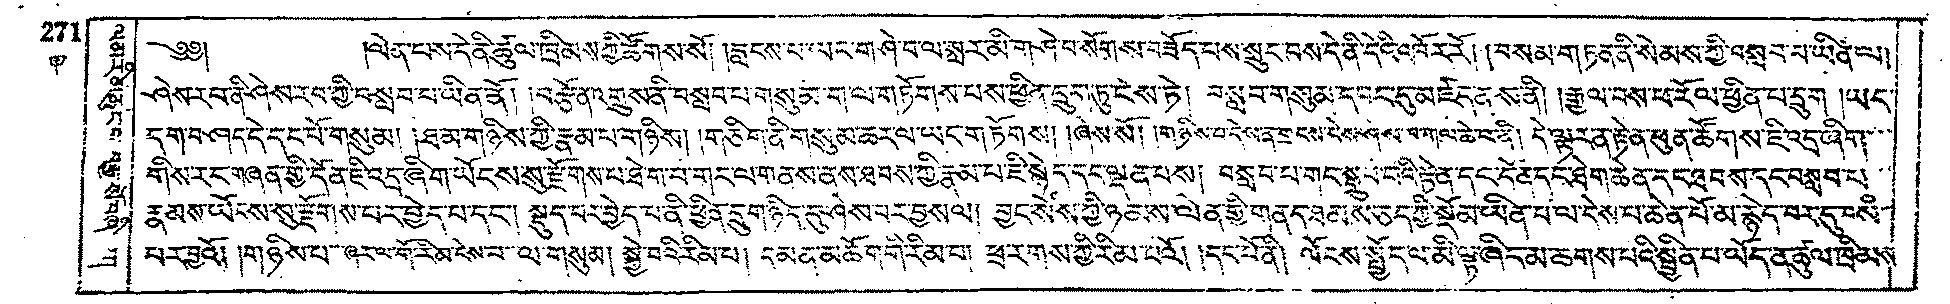༄༅། །ལེན་པས་དེ་ནི་ཚུལ་ཁྲིམས་ཀྱི་ཚོགས་སོ། །བླངས་པ་ཡང་གཤེ་བ་ལ་སླར་མི་གཤེ་བ་སོགས་བཟོད་པས་སྲུང་བས་དེ་ནི་དེའི་འཁོར་རོ། །བསམ་གཏན་ནི་སེམས་ཀྱི་བསླབ་པ་ཡིན་ལ།
ཤེས་རབ་ནི་ཤེས་རབ་ཀྱི་བསླབ་པ་ཡིན་ནོ། །བརྩོན་འགྲུས་ནི་བསླབ་པ་གསུམ་ག་ལ་གཏོགས་པས་ཕྱིན་དྲུག་ཏུ་ངེས་ཏེ། བསླབ་གསུམ་དབང་དུ་མཛད་ནས་ནི། །རྒྱལ་བས་ཕ་རོལ་ཕྱིན་པ་དྲུག །ཡང་
དག་བཤད་དེ་དང་པོ་གསུམ། །ཐ་མ་གཉིས་ཀྱི་རྣམ་པ་གཉིས། །གཅིག་ནི་གསུམ་ཆར་ལ་ཡང་གཏོགས། །ཞེས་སོ། །གཉིས་པ་དེས་ན་གྲངས་ངེས་ཤེས་པ་གལ་ཆེ་བ་ནི།  དེ་ལྟར་ན་རྟེན་ཕུན་ཚོགས་ཇི་འདྲ་ཞིག་
གིས་རང་གཞན་གྱི་དོན་ཇི་འདྲ་ཞིག་ཡོངས་སུ་རྫོགས་པ་ཐེག་པ་གང་ལ་གནས་ནས་ཐབས་ཀྱི་རྣམ་པ་ཇི་སྙེད་དང་ལྡན་པས། བསླབ་པ་གང་སྒྲུབ་པའི་རྟེན་དང་དོན་དང་ཐེག་ཆེན་དང་ཐབས་དང་བསླབ་པ་
རྣམས་ཡོངས་སུ་རྫོགས་པར་བྱེད་པ་དང་། སྡུད་པར་བྱེད་པ་ནི་ཕྱིན་དྲུག་ཉིད་དུ་ཤེས་པར་བྱས་ལ། བྱང་སེཾས་ཀྱི་ཉམས་ལེན་གྱི་གནད་ཐམས་ཅད་ཀྱི་སྡོམ་ཡིན་པ་ལ་ངེས་པ་ཆེན་པོ་མ་རྙེད་བར་དུ་བསཾ་
པར་བྱའོ། །གཉིས་པཞར་ལ་གོ་རིམ་ངེས་པལ་གསུམ། སྐྱེ་བའི་རིམ་པ། དམན་མཆོག་གི་རིམ་པ། ཕྲ་རགས་ཀྱི་རིམ་པའོ། །དང་པོ་ནི། ལོངས་སྤྱོད་ལ་མི་ལྟ་ཞིང་མ་ཆགས་པའི་སྦྱིན་པ་ཡོད་ན་ཚུལ་ཁྲིམས་